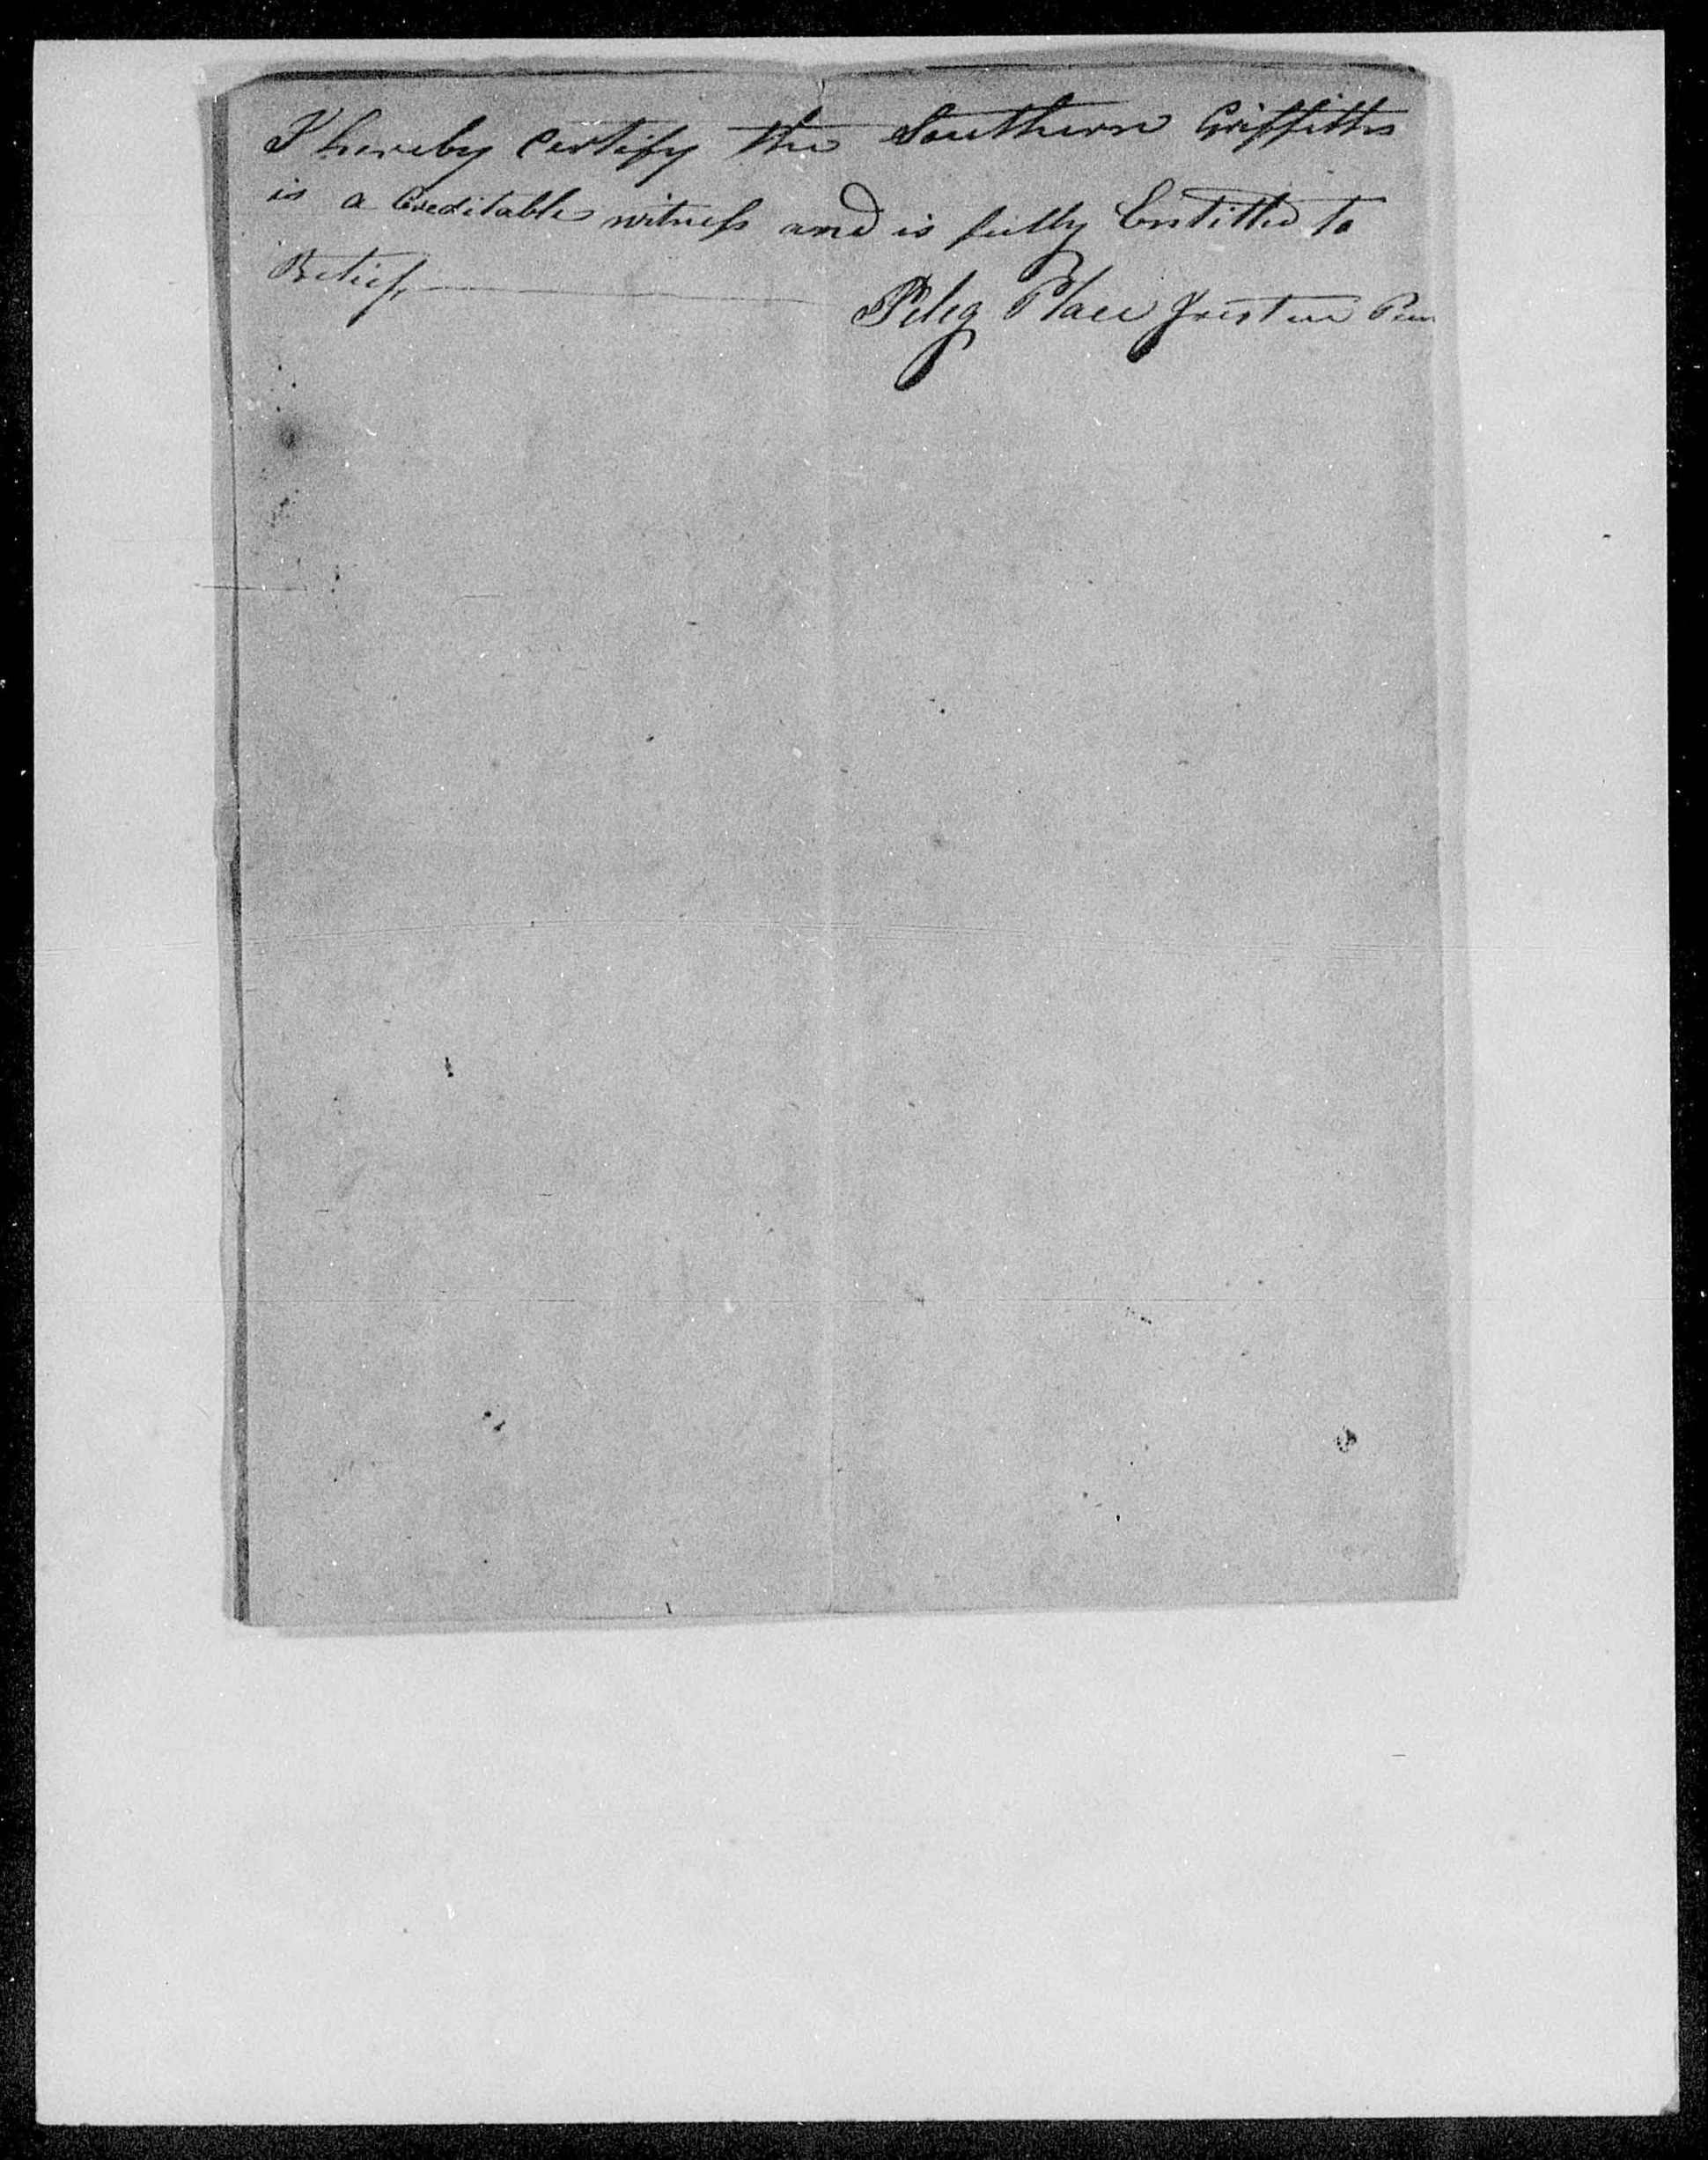I hereby certify the Southern Griffiths is a credible witness and is fully entitled to belief -

Peleg Place Justice Peace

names: Southern Griffiths, Peleg Place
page: 19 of 61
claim: survivor's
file: S. 22798, Paul Griffiths, R.I.